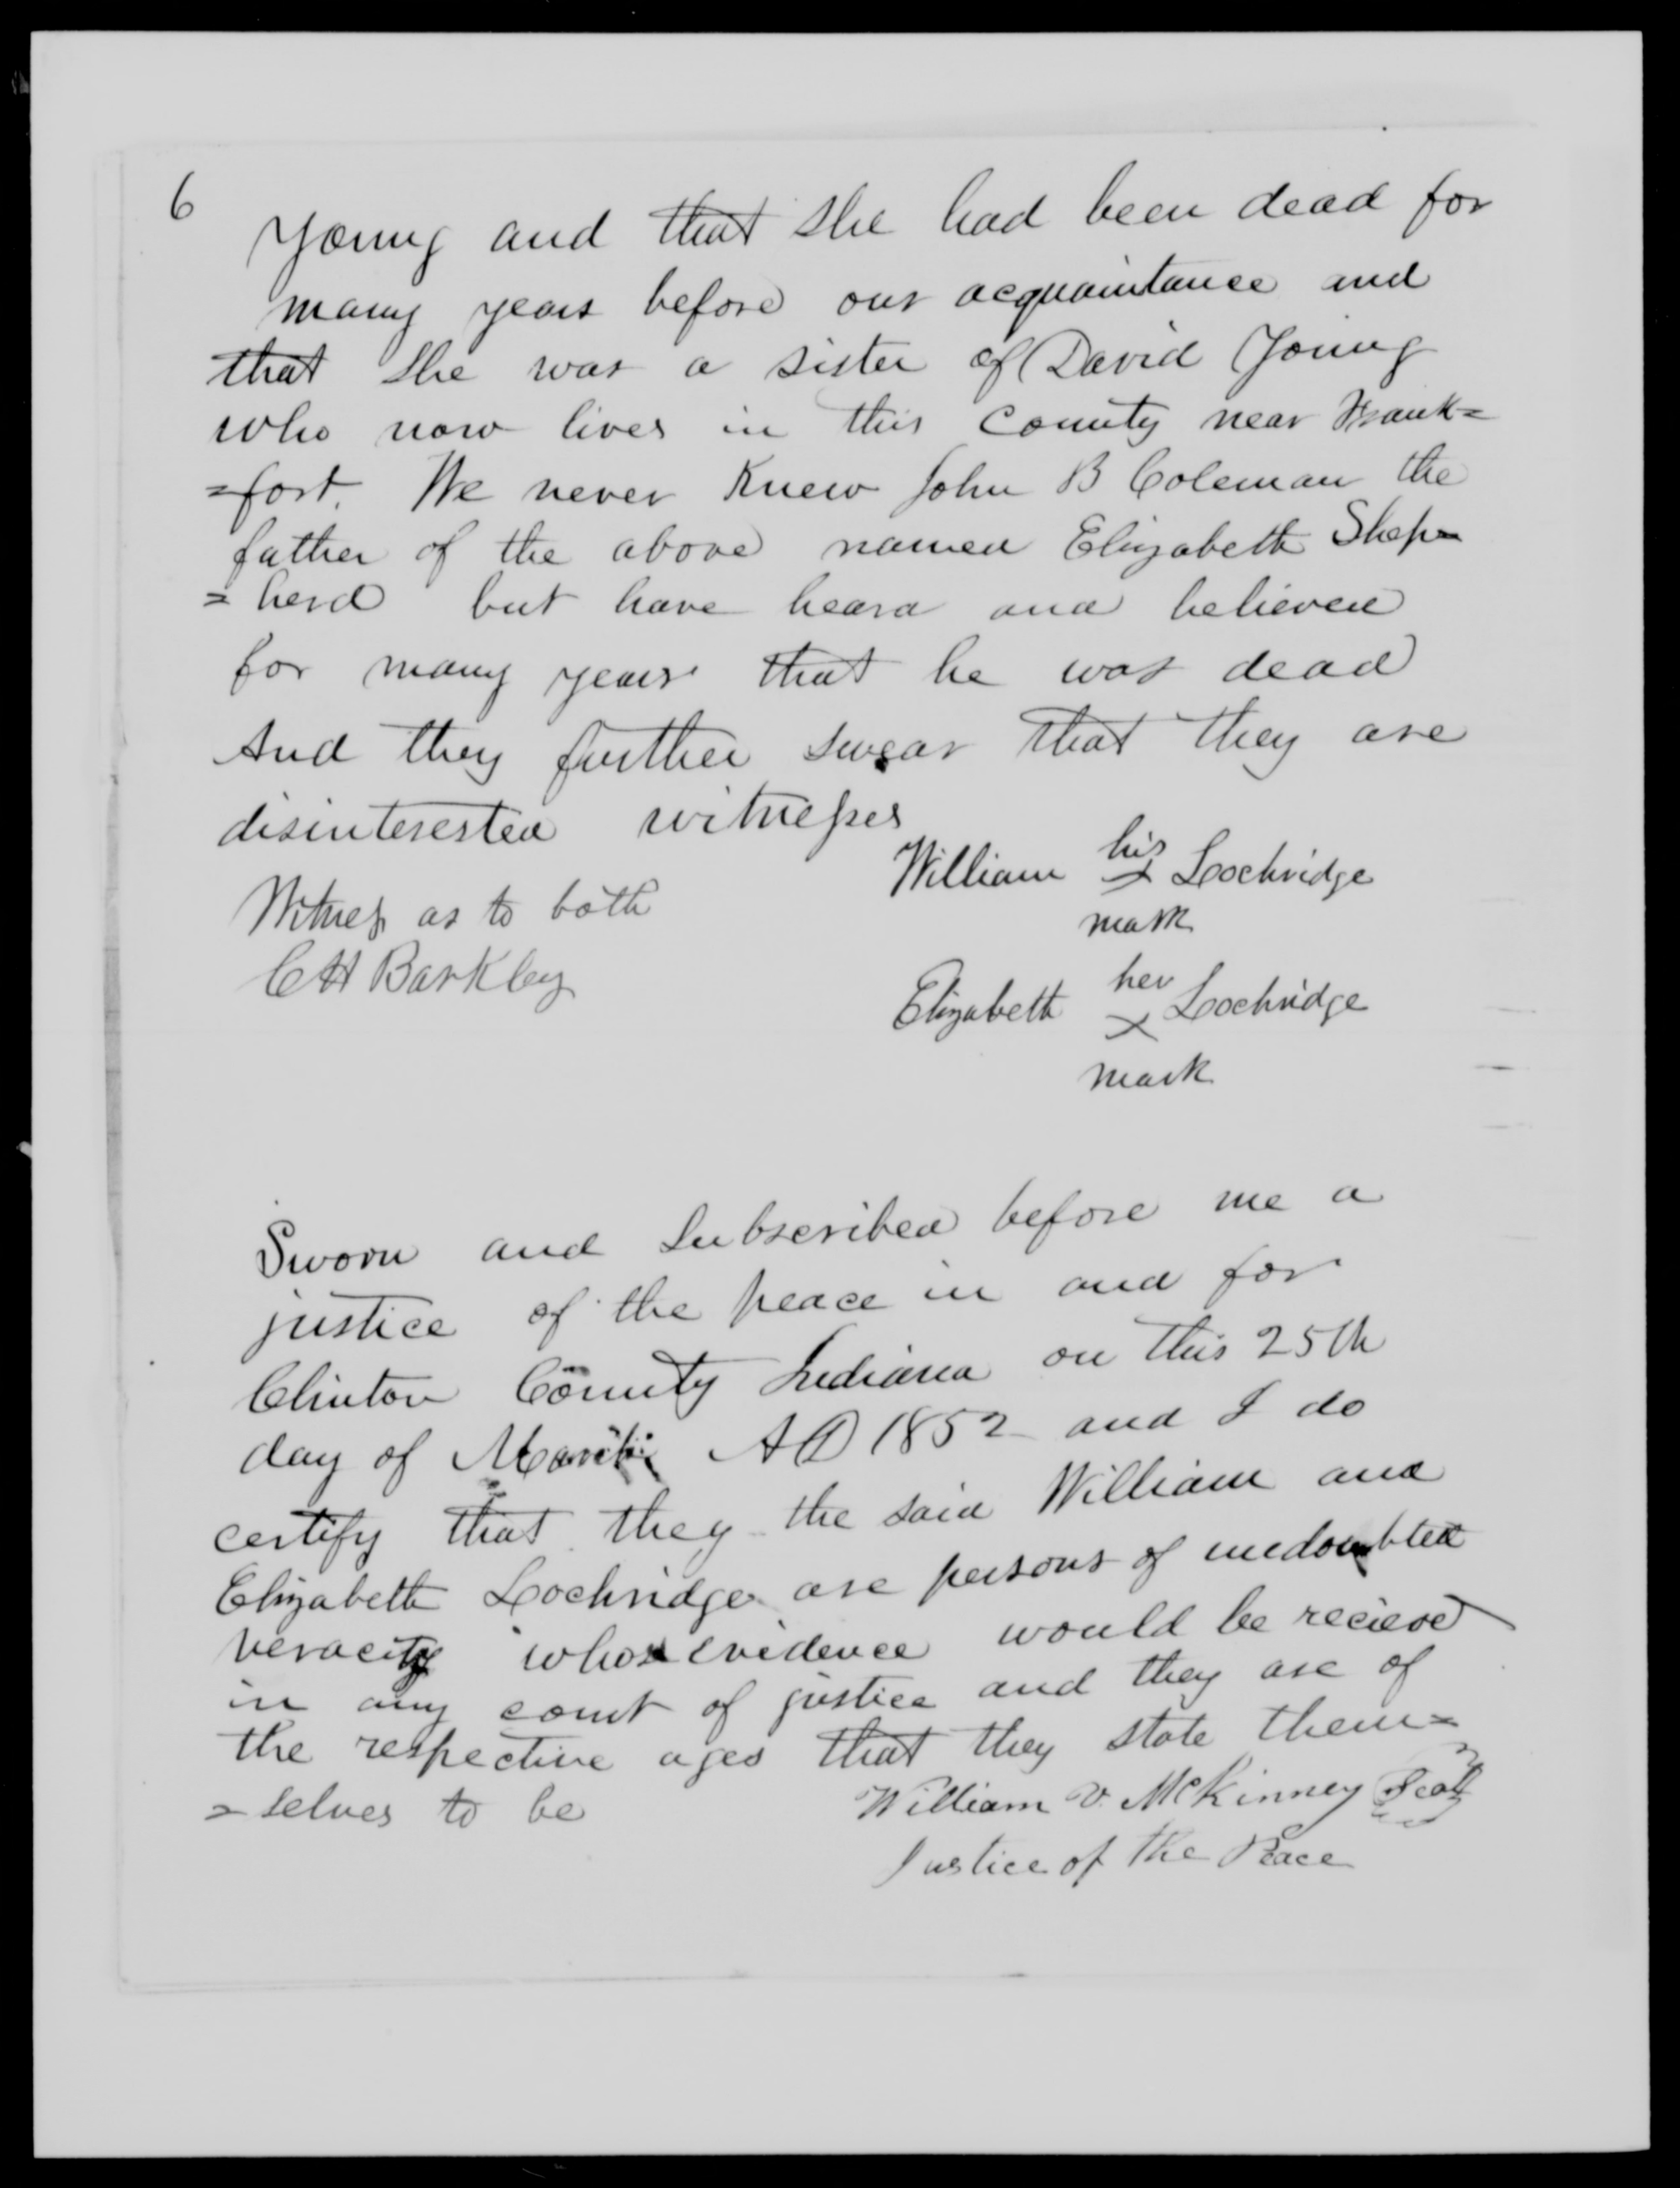6
Young and that she had been dead for
many years before our acquaintance and
that she was a sister of David Young
who now lives in this County near Frankfort.
 We never knew John B Coleman the
father of the above named Elizabeth Shepherd but have heard and believed
for many years that he was dead. 
And they further swear that they are
disinterested witnesses. 
William his Lockridge mark
Elizabeth her Lockridge mark
Witness as to both
C H Barkley

Sworn and subscribed before me a
Justice of the peace in and for
Clinton County Indiana on this 25th
day of March AD 1852 and I do
certify that they the said William and
Elizabeth Lockridge are persons of undoubted
veracity whose evidence would be recieved in any 
Court of justice and they are of the respective ages that they state themselves to be
William V. McKinney {seal} 
Justice of the Peace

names: C H Barkley, Young, Elizabeth Shepherd, Elizabeth Lockridge, David Young, William V Mc Kinney, John B Coleman, William Lockridge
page: 86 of 123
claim: rejected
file: R. 11,949, Matthias Young, Md.